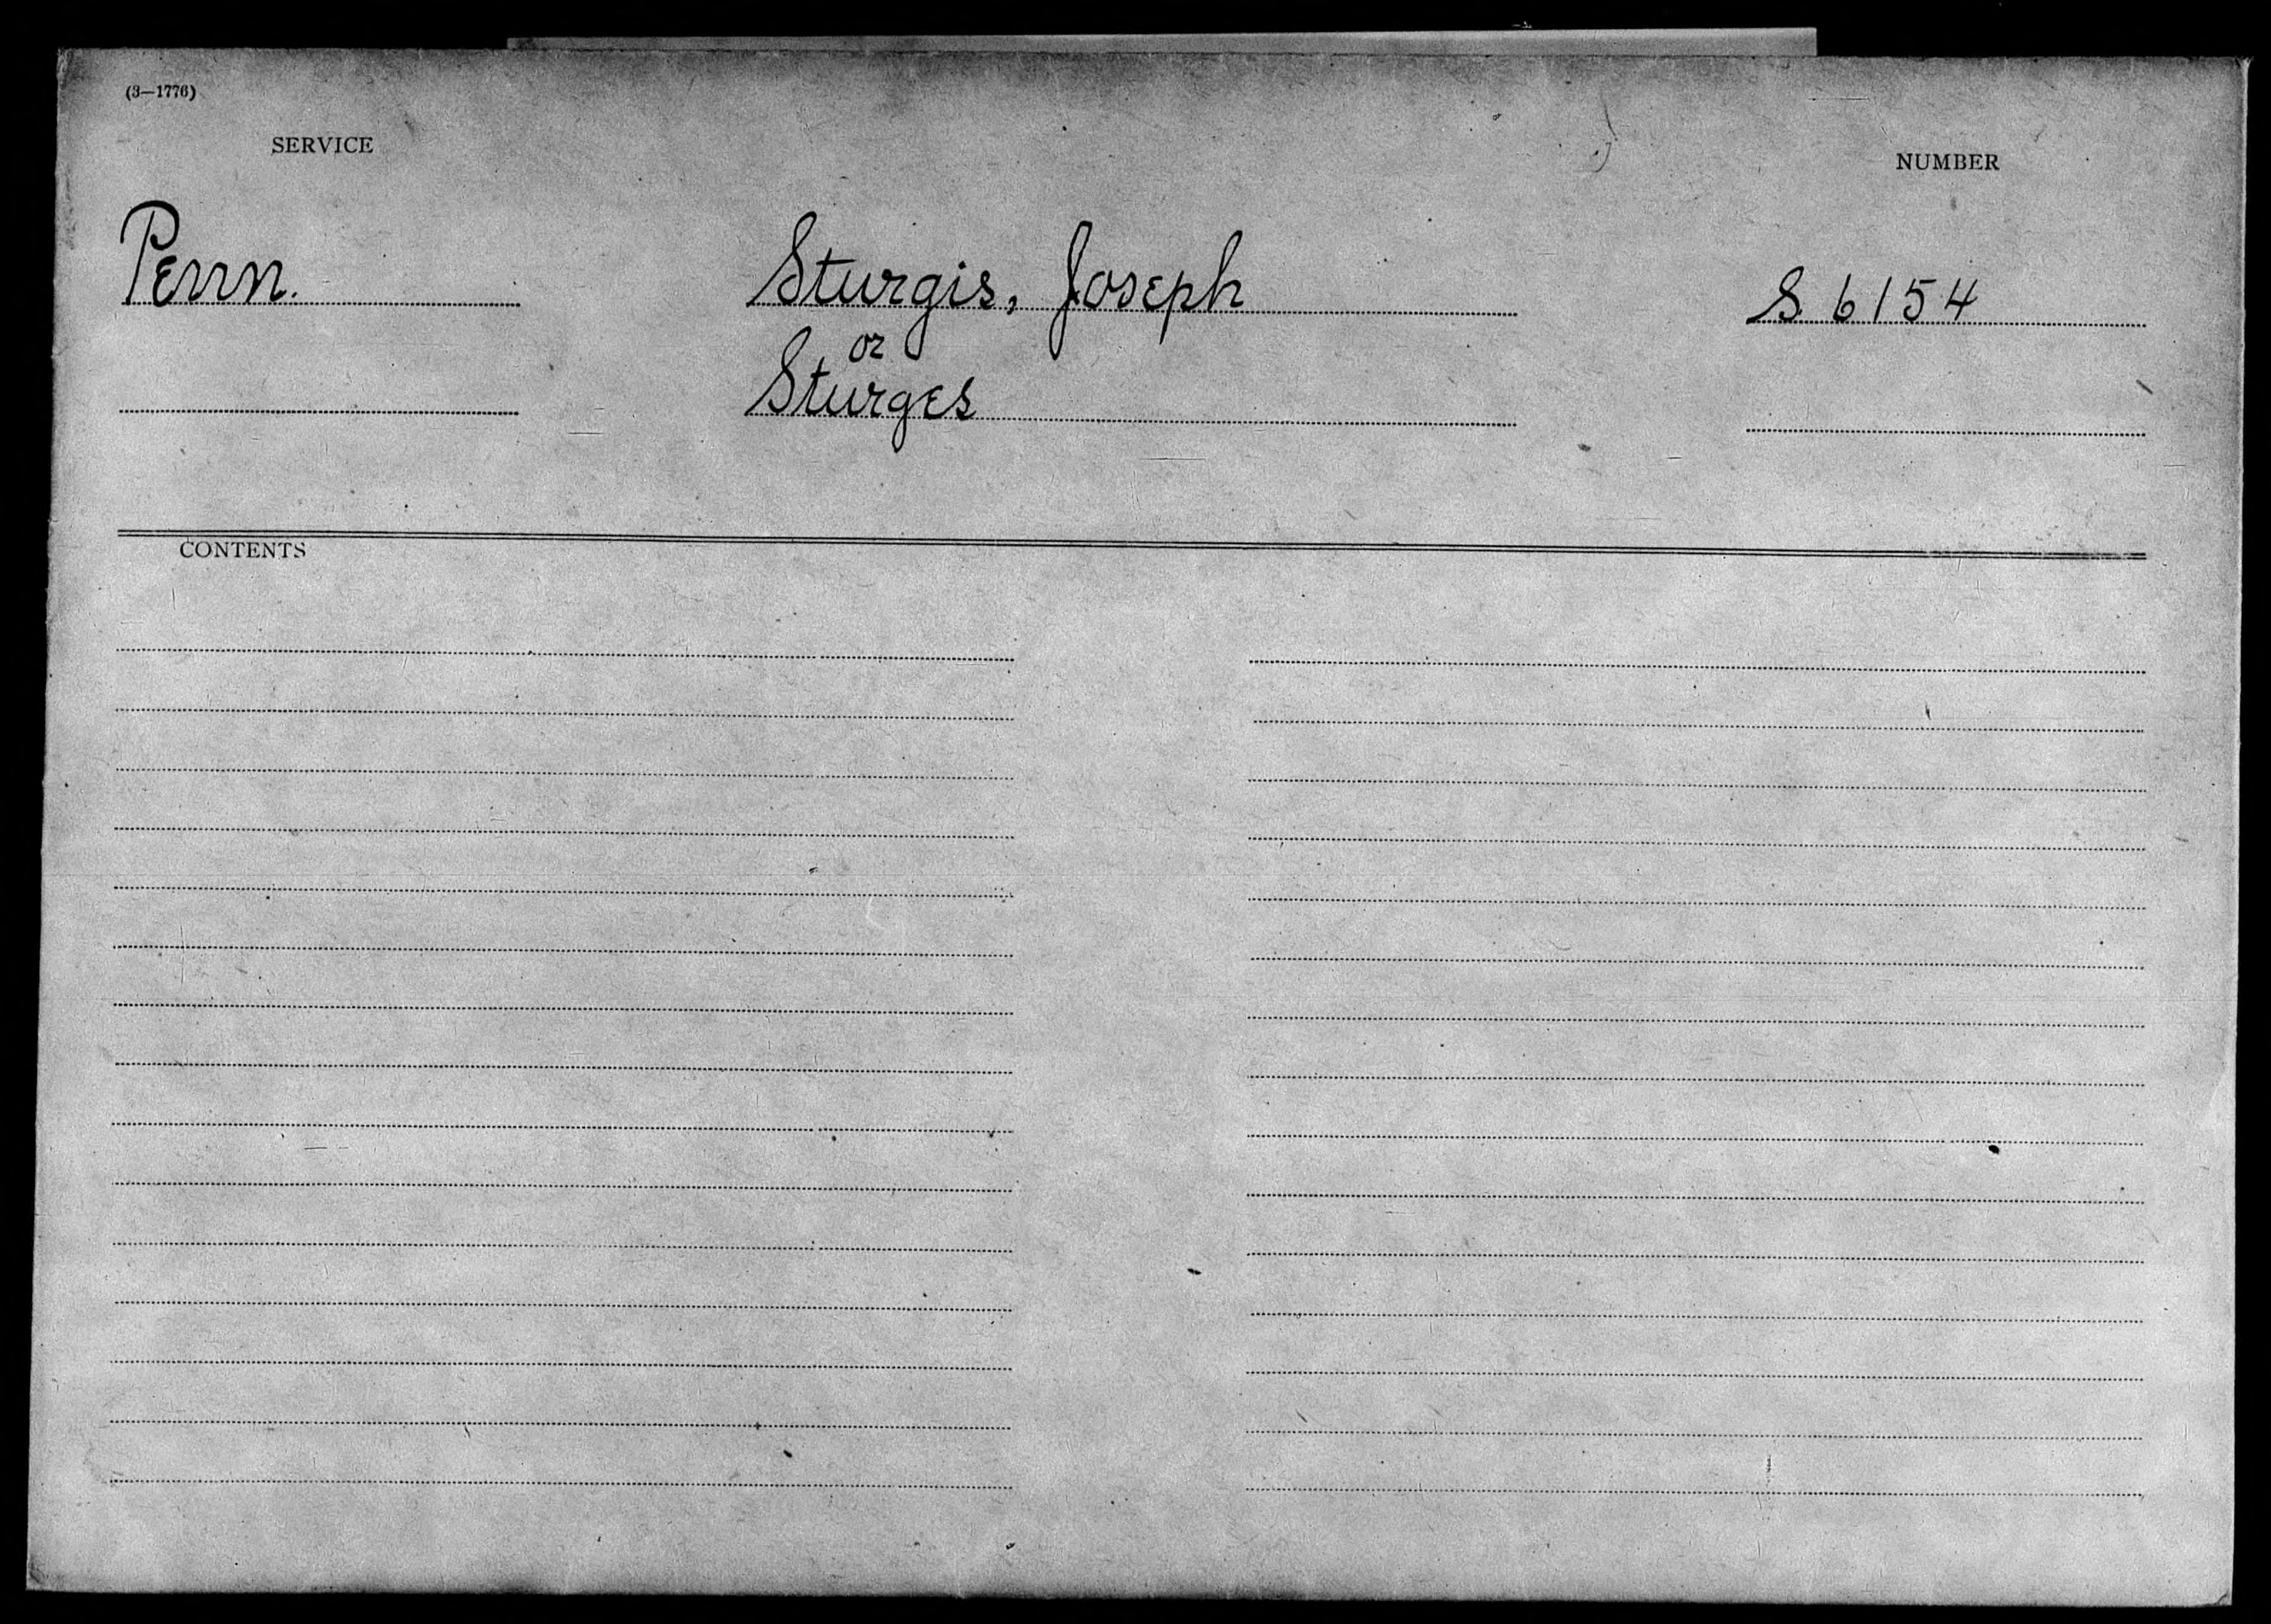SERVICE   Penn.
Sturgis, Joseph
or Sturges
NUMBER  S.6154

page: 1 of 31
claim: survivor's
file: S. 6154, for Joseph Sturgis, Pennsylvania